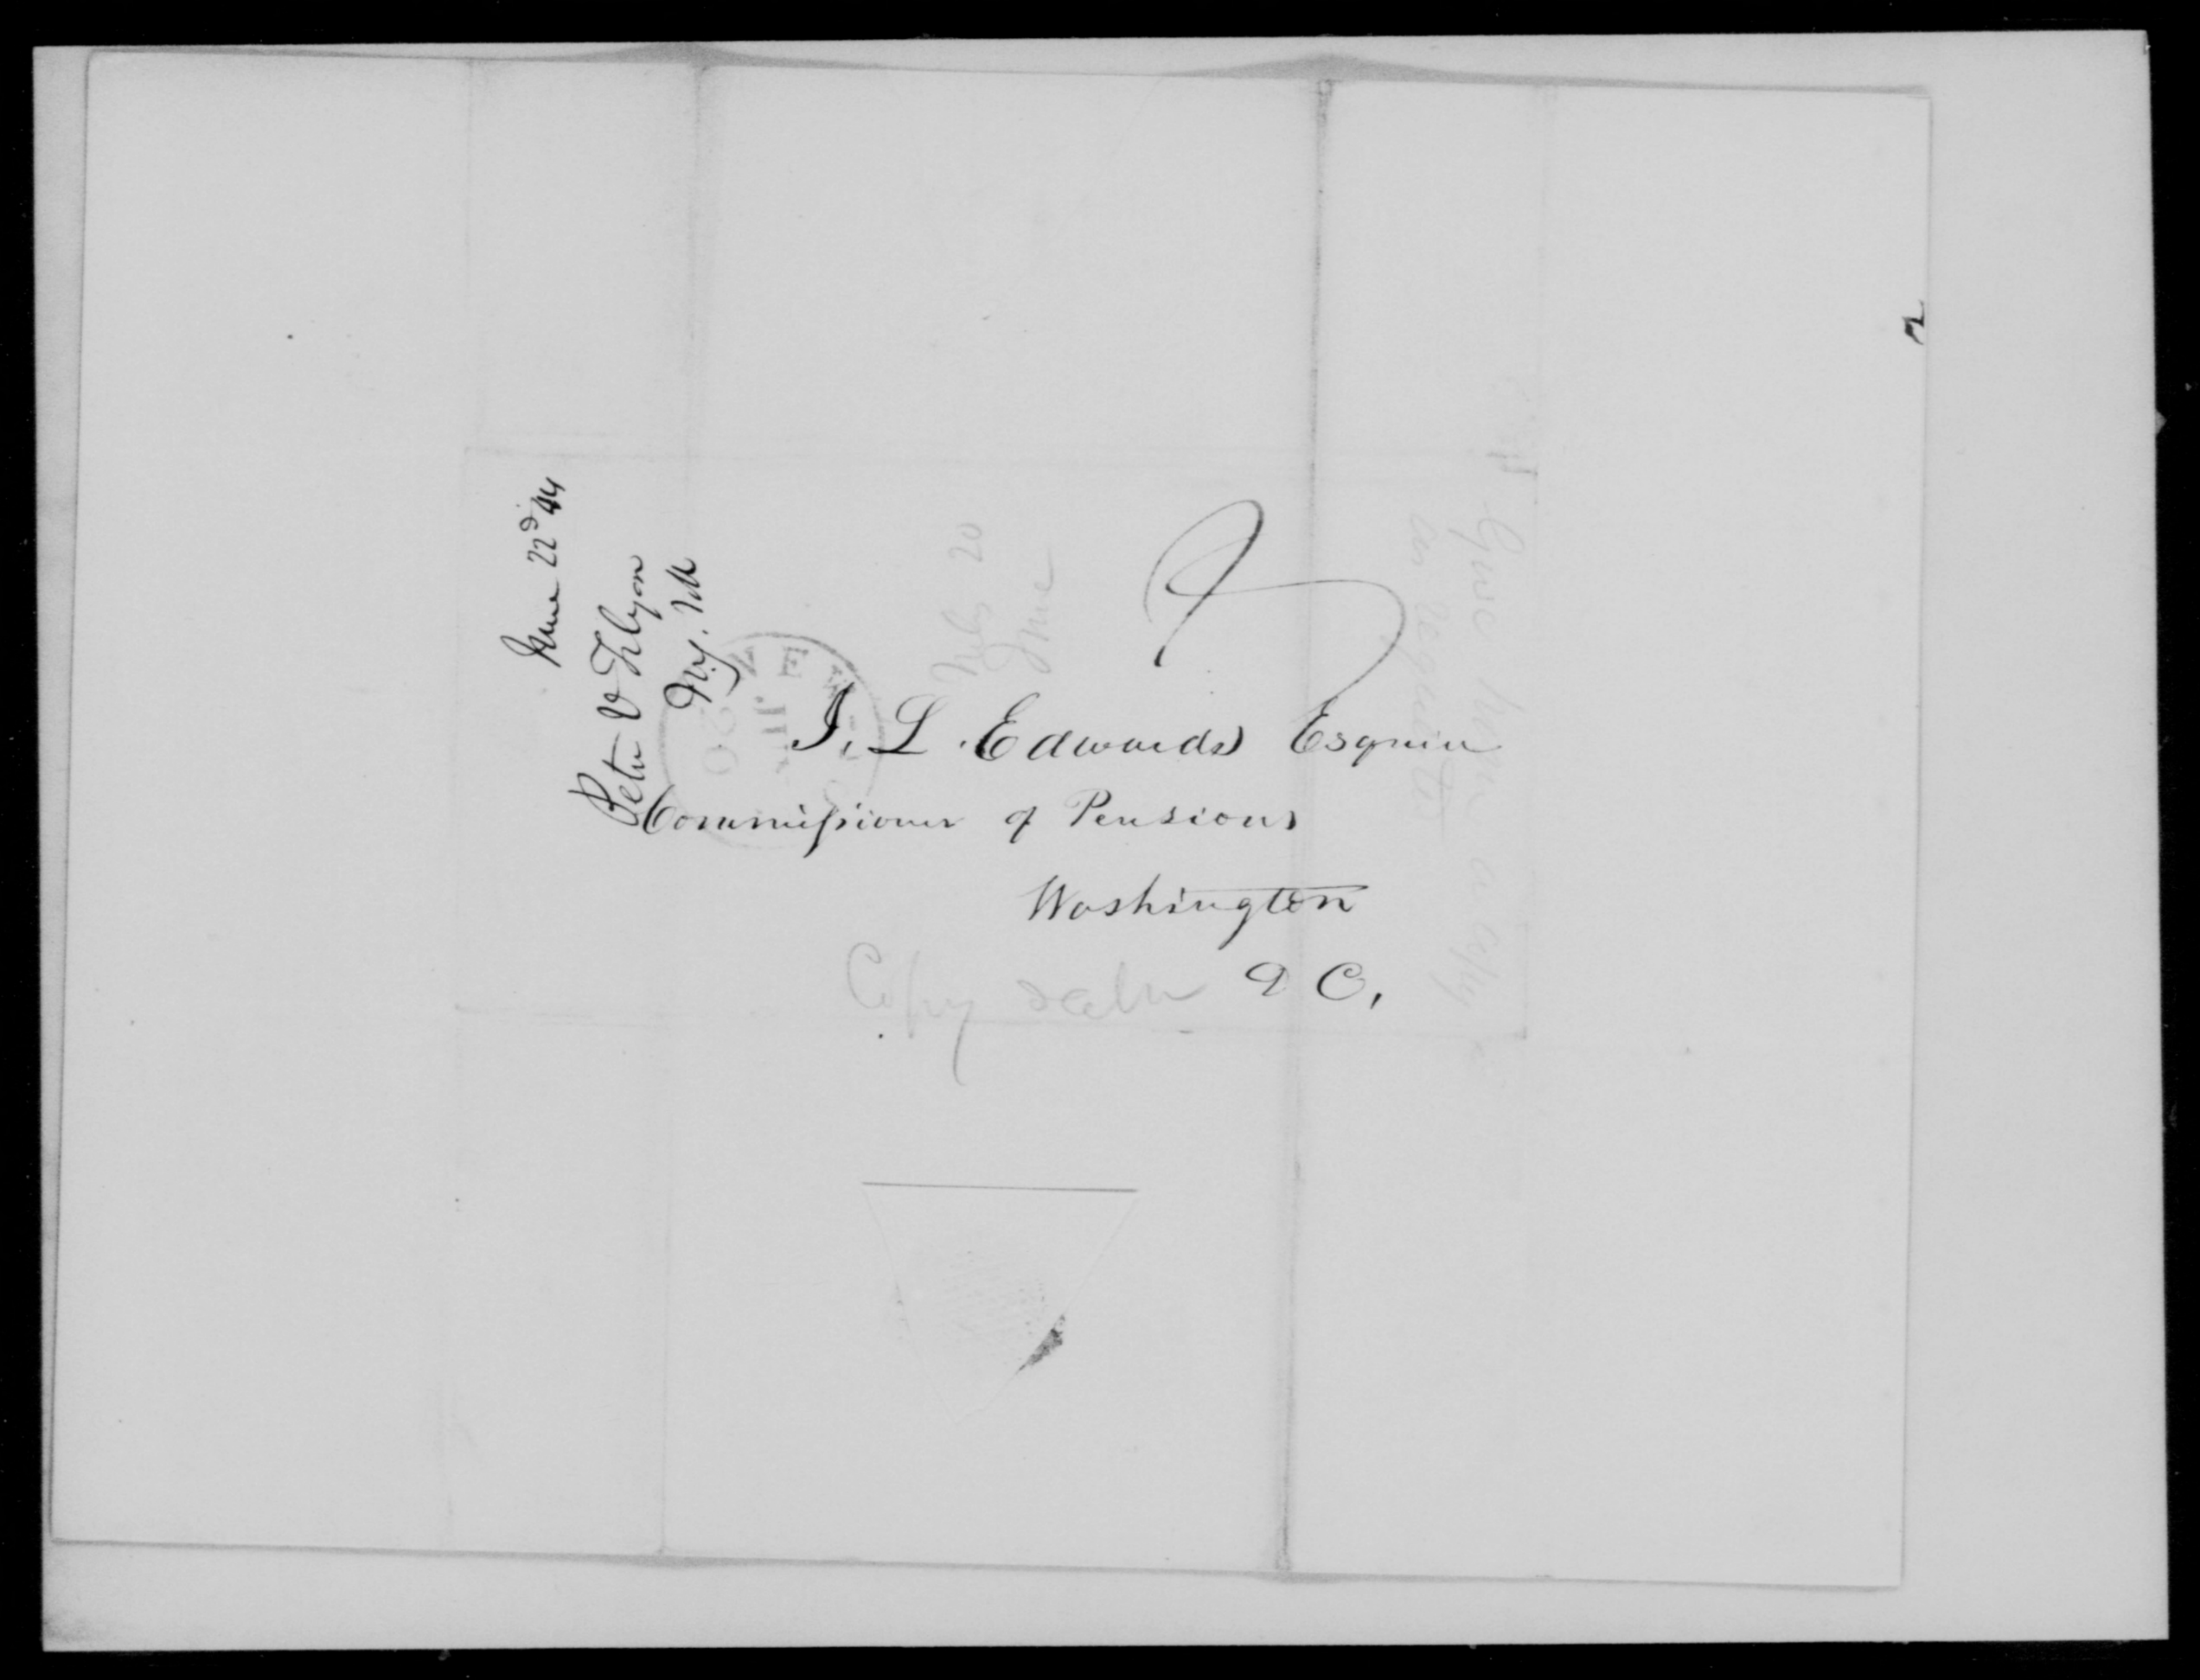J.L. Edwards Esquire
Commissioner of Pensions
Washington D C.
[on side]
June 22 44
Peter V Tilyou
 N.Y. [?]

[postal mark] NEW  JUN 20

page: 32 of 101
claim: widow's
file: W. 25481, for Peter V Tilyou, New Jersey